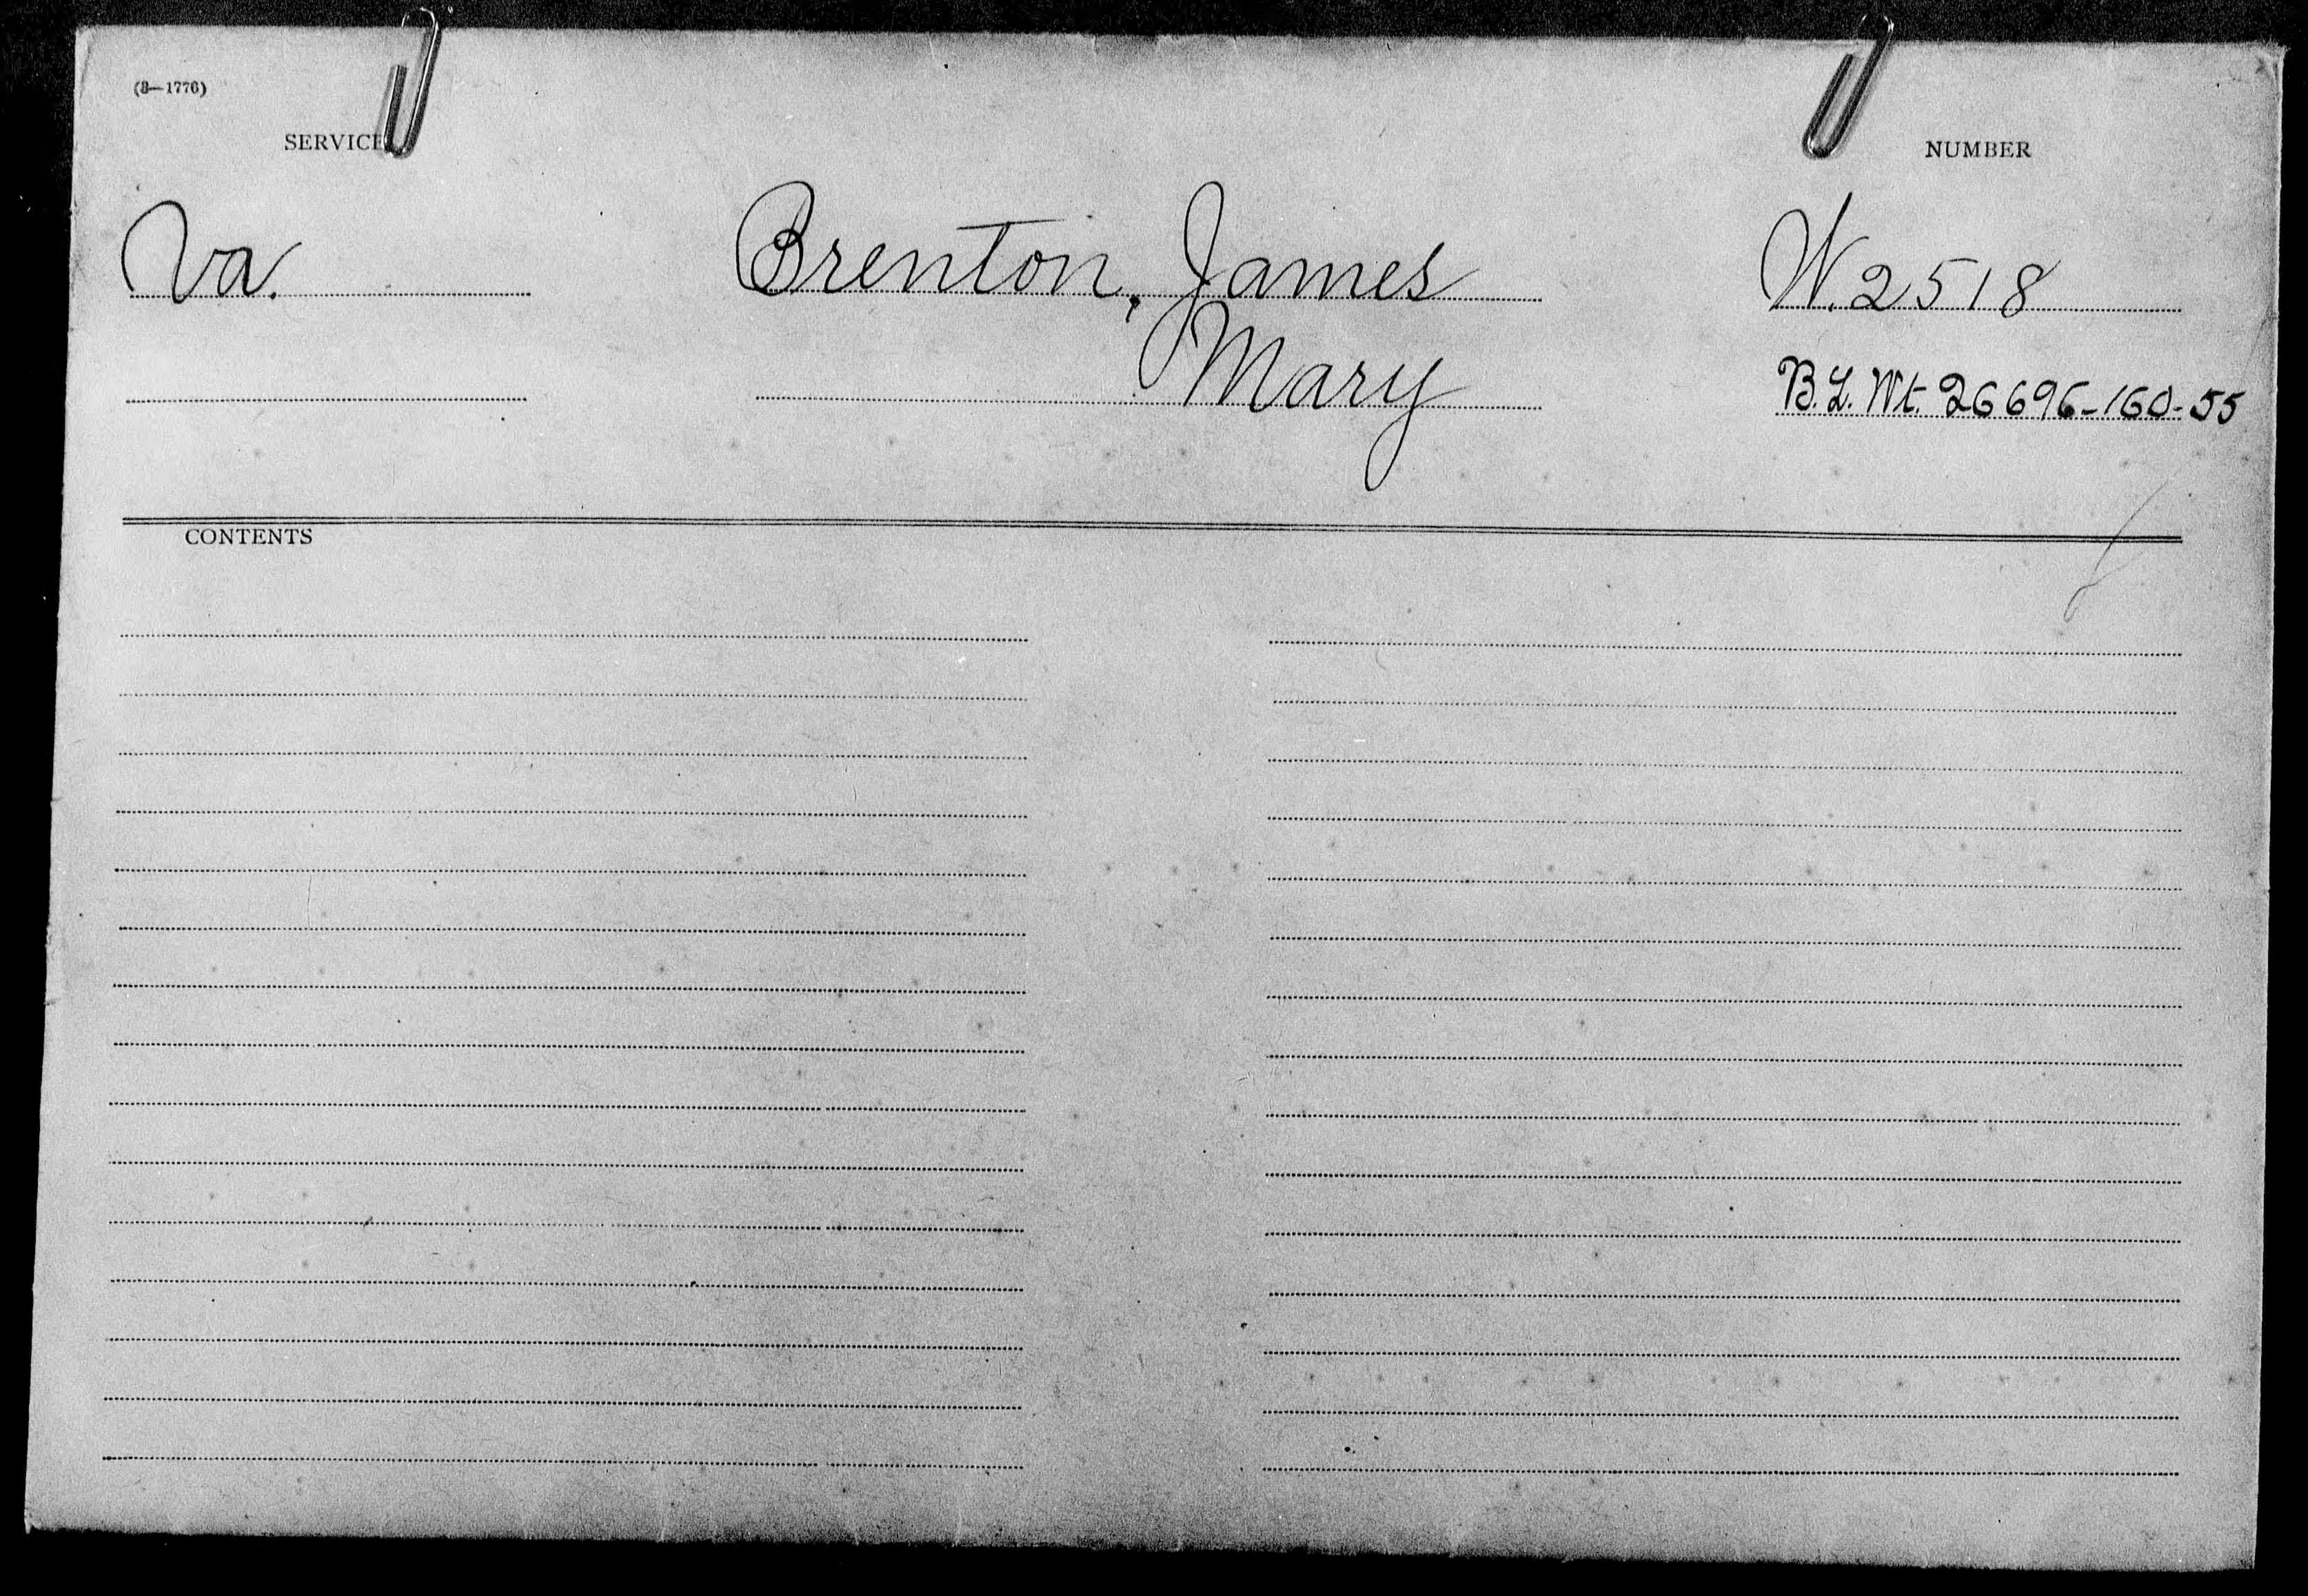Va. Brenton, James W.2518
Mary B. L. Wt. 26696-160-55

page: 1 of 49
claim: widow's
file: W. 2518, James Brenton, Va.